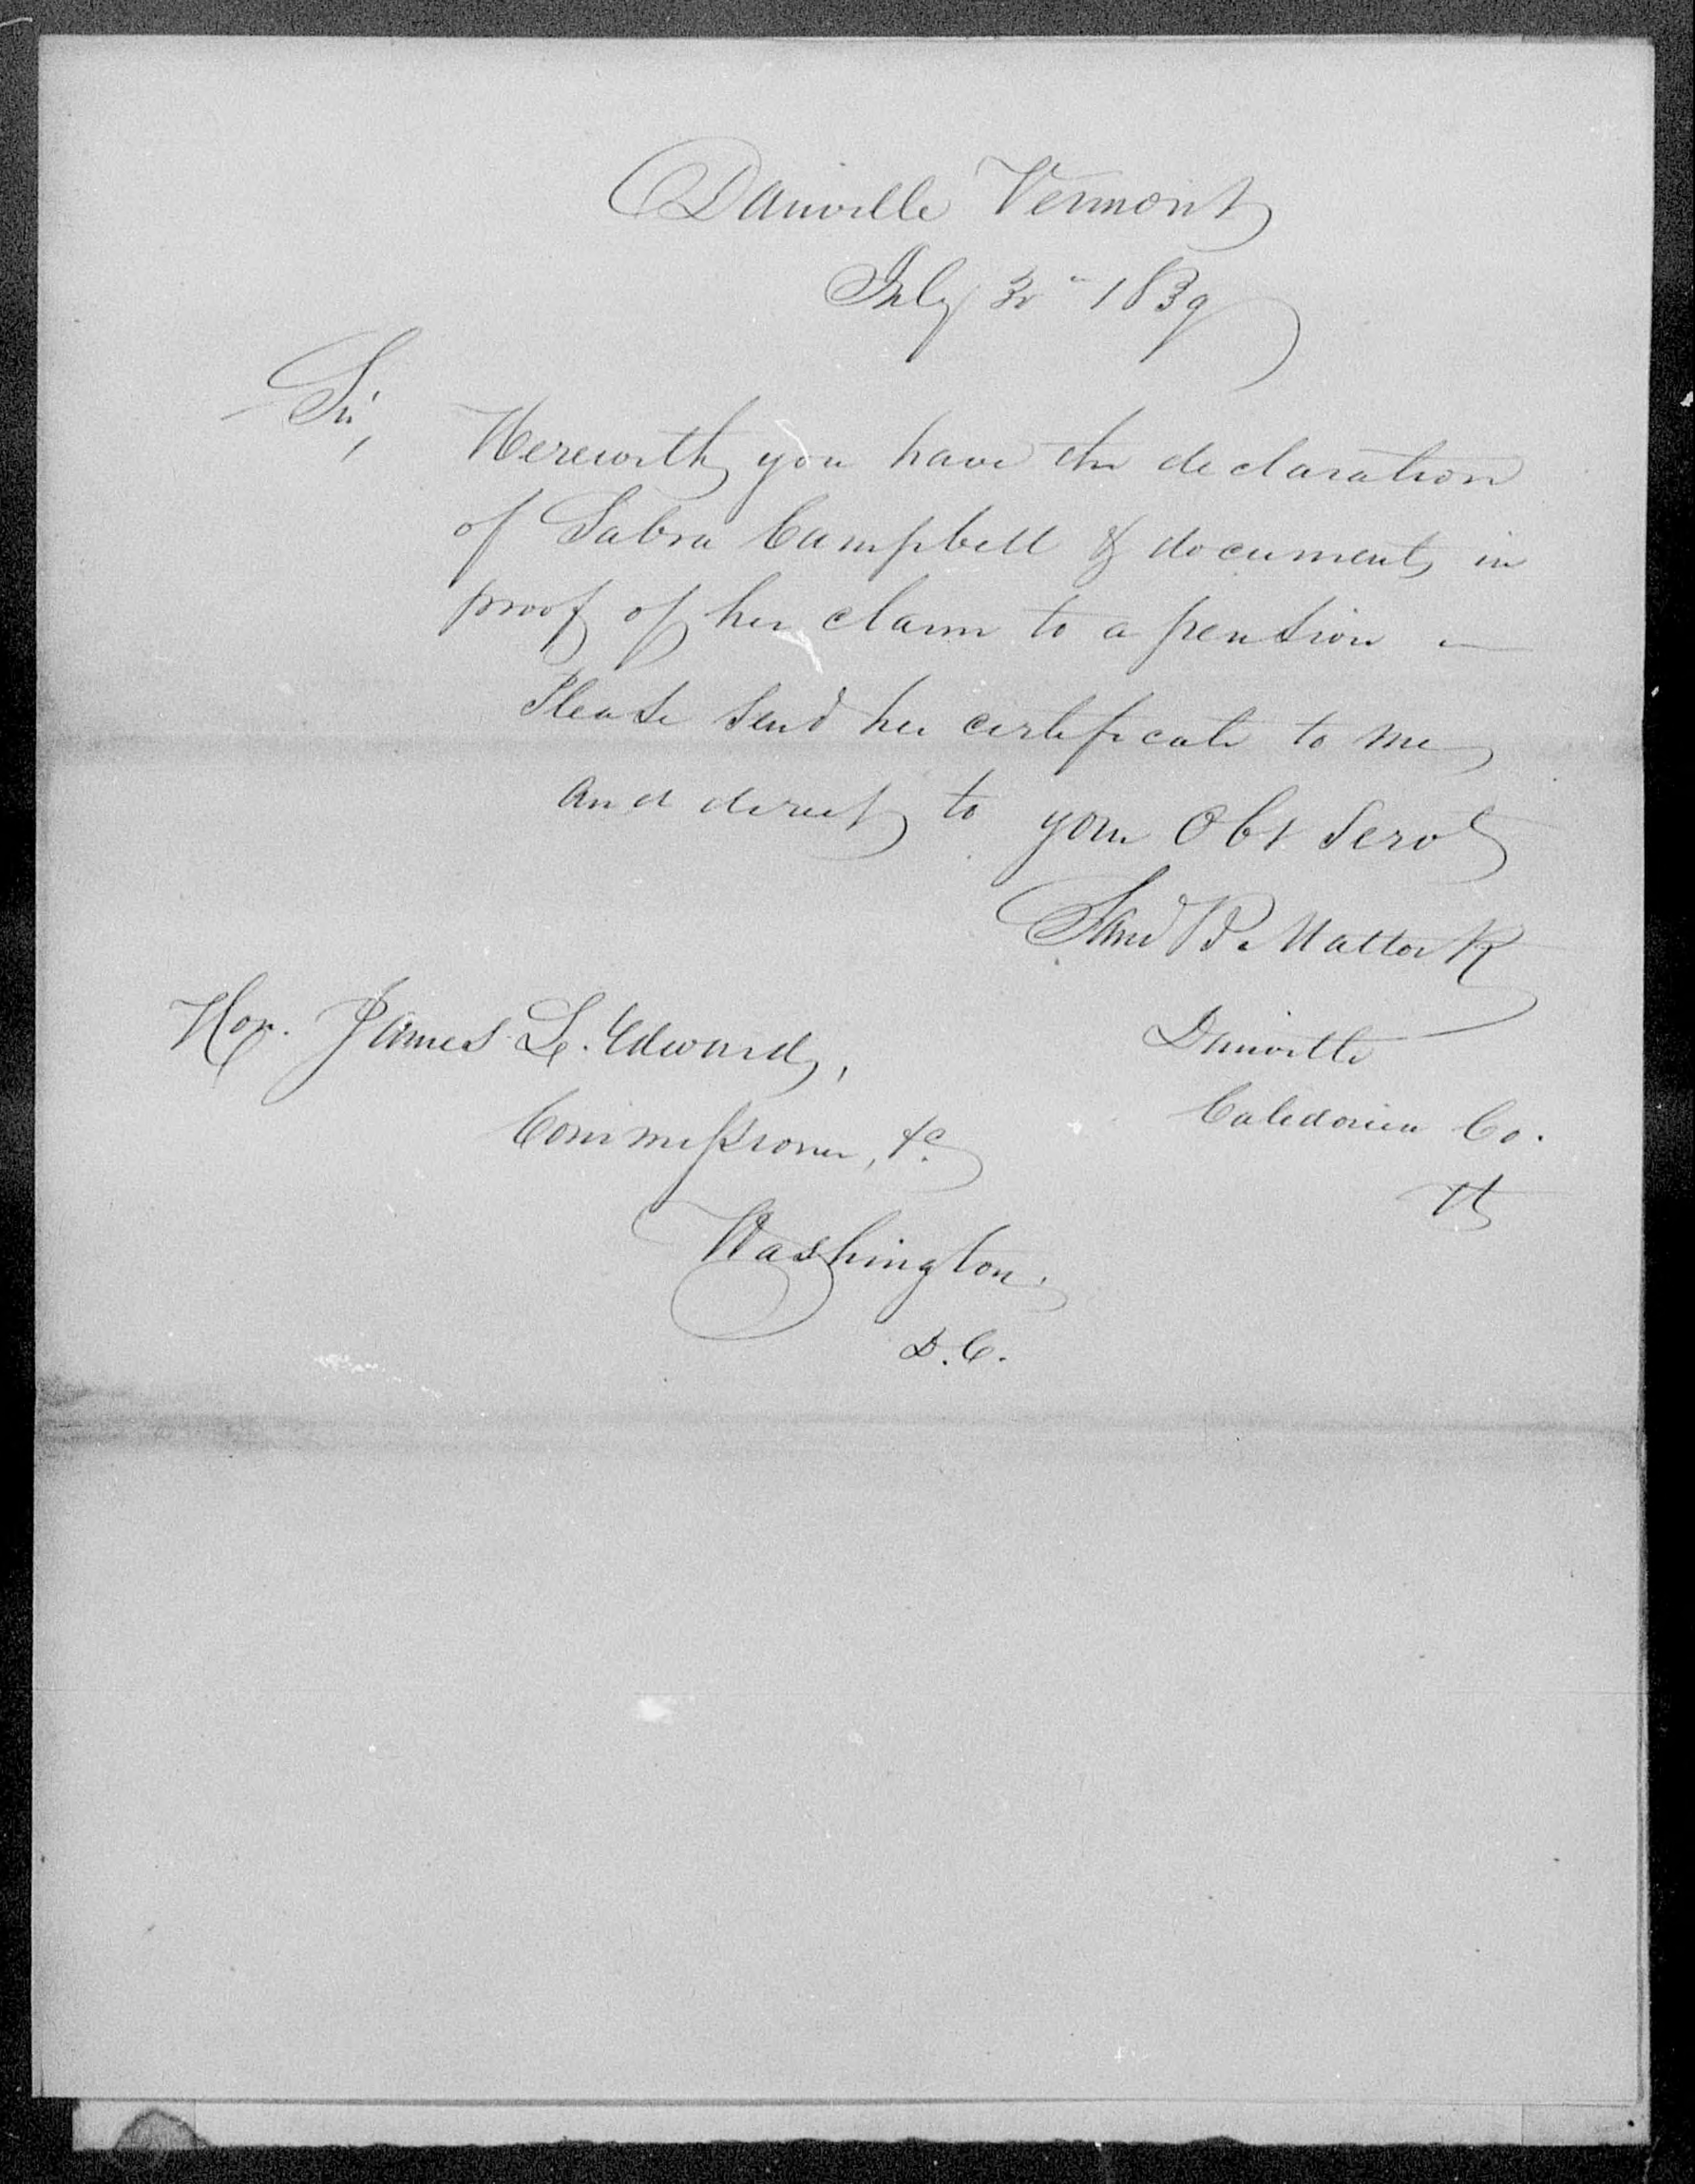Danville Vermont
July 3d 1839

Sir;

Herewith you have the declaration
of Sabra Campbell & documents in
proof of her claim to a pension -
Please send her certificate to me,
and direct to your Obt Servt
Saml R. Mattock
Danville 
Caledonian Co.
Vt


Hon. James L. Edwards,
Commissioner, &c.
Washington,
D.C.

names: Saml R Mattock, Sabra Campbell, James L Edwards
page: 23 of 67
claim: widow's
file: W. 23772, James Campbell, Continental Mass.